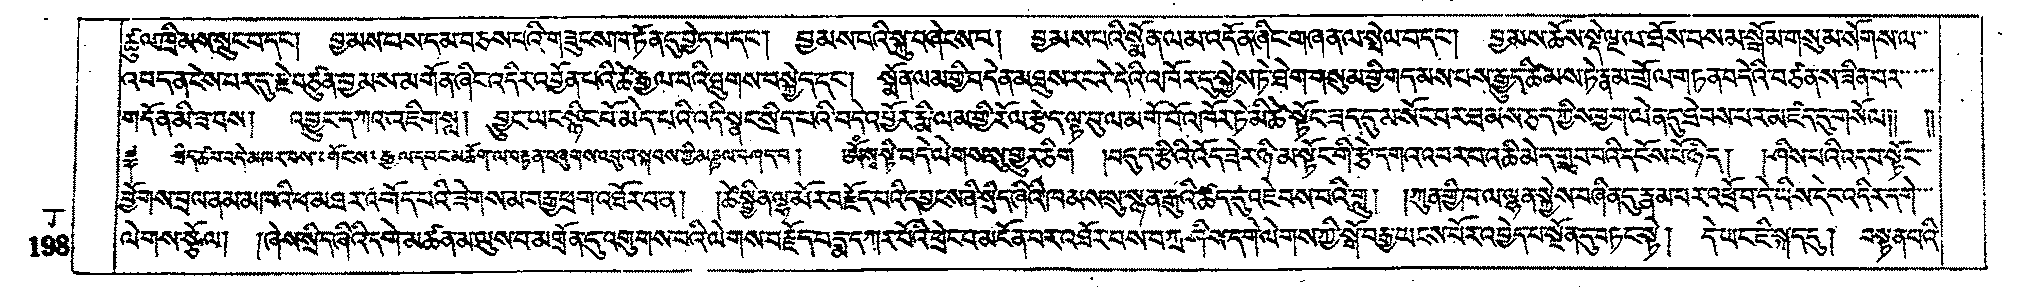ཚུལ་ཁྲིམས་སྲུང་བ་དང་། བྱམས་པས་དམ་བཅས་པའི་གཟུངས་ཁ་ཏོན་དུ་བྱེད་པ་དང་། བྱམས་པའི་སྐུ་བཞེངས་པ། བྱམས་པའི་སྨོན་ལམ་འདོན་ཞིང་གཞན་ལ་སྤེལ་བ་དང་། བྱམས་ཆོས་སྡེ་ལྔ་ལ་ཐོས་བསམ་སྒོམ་གསུམ་སོགས་ལ་་་
འབད་ན་ངེས་པར་དུ་རྗེ་བཙུན་བྱམས་མགོན་ཞིང་འདིར་འབྱོན་པའི་ཚེ་རྒྱལ་བའི་ཐུགས་བསྐྱེད་དང་། སྨོན་ལམ་གྱི་བདེན་མཐུས་རང་རེ་དེའི་འཁོར་དུ་སྐྱེས་ཏེ་ཐེག་གསུམ་གྱི་གདམས་པས་རྒྱུད་ཚིམས་ཏེ་རྣམ་གྲོལ་གཏན་བདེའི་བཙན་ས་ཟིན་པར་་་
གདོན་མི་ཟ་བས། འབྱུང་དཀའ་འཇིག་སླ། བྱུང་ཡང་སྙིང་པོ་མེད་པའི་འདི་སྣང་སྲིད་པའི་བདེ་འབྱོར་རྨི་ལམ་གྱི་རོལ་རྩེད་ལྟ་བུ་ལ་མགོ་བོ་འཁོར་ཏེ་མི་ཚེ་སྟོང་ཟད་དུ་མ་སོང་བར་ཐམས་ཅད་ཀྱིས་ཕྱག་ལེན་དུ་ཐེབས་པར་མཛད་དུ་གསོལ།། །།
འ་སྲིད་ཚབ་བདེ་མཁར་བས ༧གོང་ས ༧རྒྱལ་དབང་མཆོག་ལ་བརྟན་བཞུགས་འབུལ་སྐབས་ཀྱི་མཎྜལ་བཤད་པ།  ཨོཾ་སྭ་སྟི་བདེ་ལེགས་སུ་གྱུར་ཅིག །བདུད་རྩིའི་འོད་ཟེར་ཉི་མ་སྟོང་གི་རྩེ་དགའ་འབར་བ་འཆི་མེད་གྲུབ་པའི་དངོས་པོ་ཉིད། །ཤིས་པའི་འདབ་སྟོང་་་
ཕྱོགས་བྲལ་ནམ་མཁའི་ཕ་མཐར་འགོད་པའི་ཟེགས་མ་བརྒྱ་ཕྲག་འཐོར་བ་ན། །ཚེ་སྦྱིན་ལྷ་མོར་བརྗོད་པའི་དབྱངས་ནི་སྲིད་ཞིའི་ཁམས་སུ་སྙན་རྒུའི་ཚད་དུ་འཇེབས་པའི་གླུ། །ཀུན་གྱི་ཁ་ལ་ལྷན་སྐྱེས་བཞིན་དུ་རྣམ་པར་འཕྲོ་བ་དེ་ཡིས་དེང་འདིར་དགེ་་་
ལེགས་སྩོལ། །ཞེས་སྲིད་ཞིའི་དགེ་མཚན་མ་ལུས་པ་མགྲོན་དུ་འགུགས་པའི་ལེགས་བརྗོད་པདམ་དཀར་པོའི་ཕྲེང་བ་མངོན་པར་འཐོར་བས་བཀྲ་ཤིས་དགེ་ལེགས་ཀྱི་སྒོ་བརྒྱ་ཡངས་པོར་འབྱེད་པ་སྔོན་དུ་བཏང་སྟེ། དེ་ཡང་ཇི་སྐད་དུ། བསྟན་པའི་